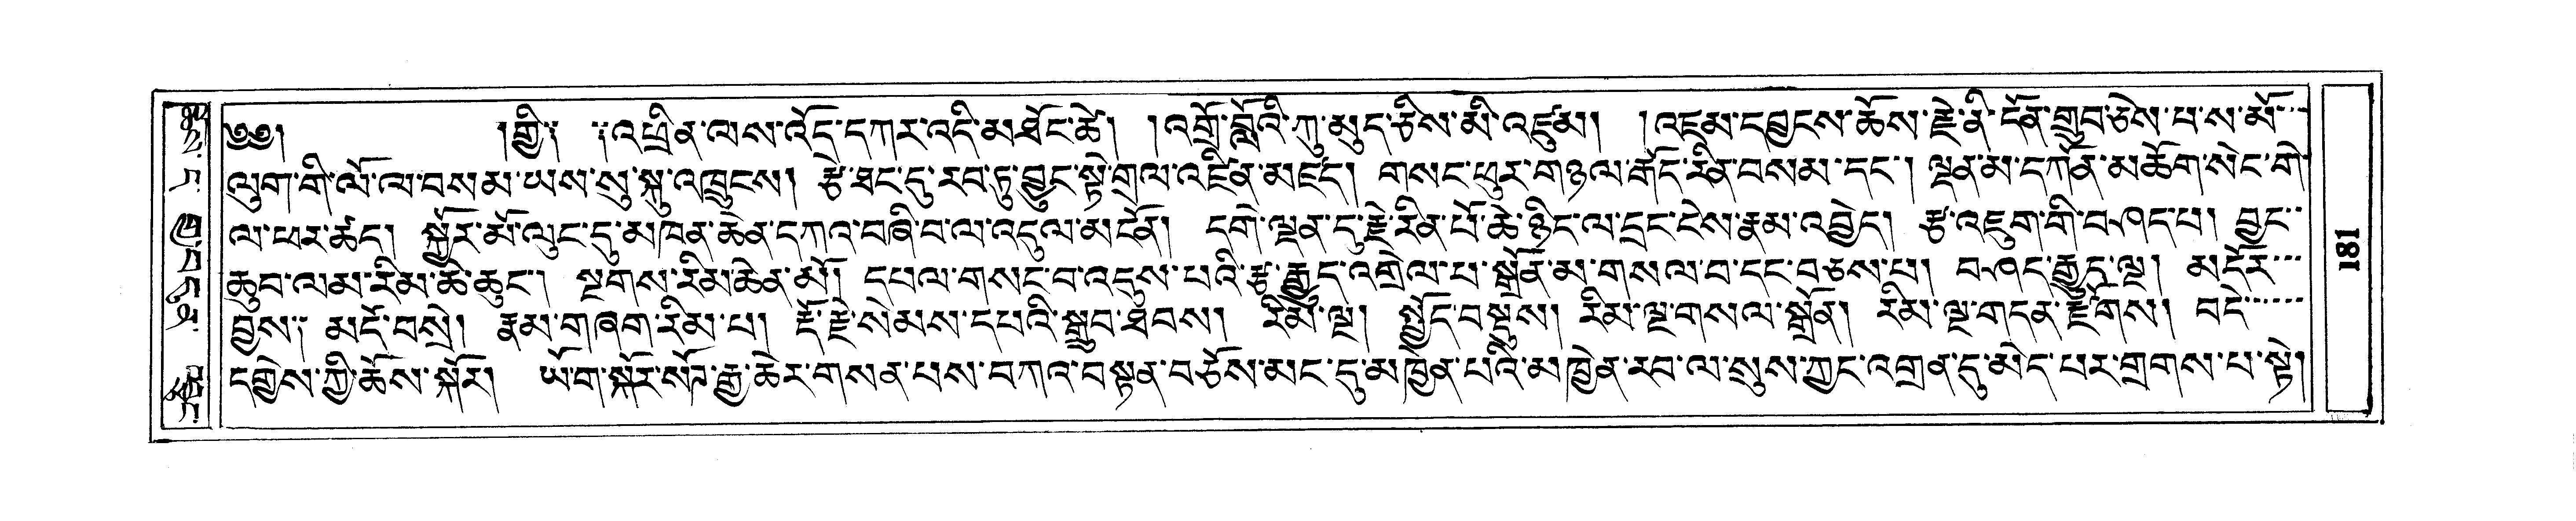༄༅། །གྱི༑ ༑འཕྲིན་ལས་འོད་དཀར་འདི་མཐོང་ཚེ། །འགྲོ་བློའི་ཀུ་མུད་ཅིས་མི་འཛུམ། །འཇམ་དབྱངས་ཆོས་རྗེ་ནི་དོན་གྲུབ་ཅེས་པ་ས་མོ་
ལུག་གི་ལོ་ལ་བསམ་ཡས་སུ་སྐུ་འཁྲུངས། རྩེ་ཐང་དུ་རབ་ཏུ་བྱུང་སྟེ་གྲལ་འཛིན་མཛད། གསང་ཕུར་གཉལ་རྒོད་རིན་བསམ་དང་། ལྡན་མ་དཀོན་མཆོག་སེང་གེ་
ལ་ཕར་ཚང་། སྐྱོར་མོ་ལུང་དུ་མཁན་ཆེན་དཀའ་བཞི་པ་ལ་འདུལ་མངོན། དགེ་ལྡན་དུ་རྗེ་རིན་པོ་ཆེ་ཉིད་ལ་དྲང་ངེས་རྣམ་འབྱེད། རྩ་འཇུག་གི་བཤད་པ། བྱང་
ཆུབ་ལམ་རིམ་ཆེ་ཆུང་། སྔགས་རིམ་ཆེན་མོ། དཔལ་གསང་བ་འདུས་པའི་རྩ་རྒྱུད་འགྲེལ་པ་སྒྲོན་མ་གསལ་བ་དང་བཅས་པ། བཤད་རྒྱུད་ལྔ། མདོར་
བྱས༑ མདོ་བསྲེ། རྣམ་གཞན་རིམ་པ། རྡོ་རྗེ་སེམས་དཔའི་སྒྲུབ་ཐབས། རིམ་ལྔ། སྤྱོད་བསྡུས། རིམ་ལྔ་གསལ་སྒྲོན། རིམ་ལྔ་གདན་རྫོགས། བདེ་
དགྱེས་ཀྱི་ཆེས་སྐོར། ཡོ་ག་སྐོར་སོཌ་རྒྱ་ཆེར་གསན་པས་བཀའ་བསྟན་བཅོས་མང་དུ་མཁྱེན་པའི་མཁྱེན་རབ་ལ་སུས་ཀྱང་འགྲན་དུ་མེད་པར་གྲགས་པ་སྟེ།